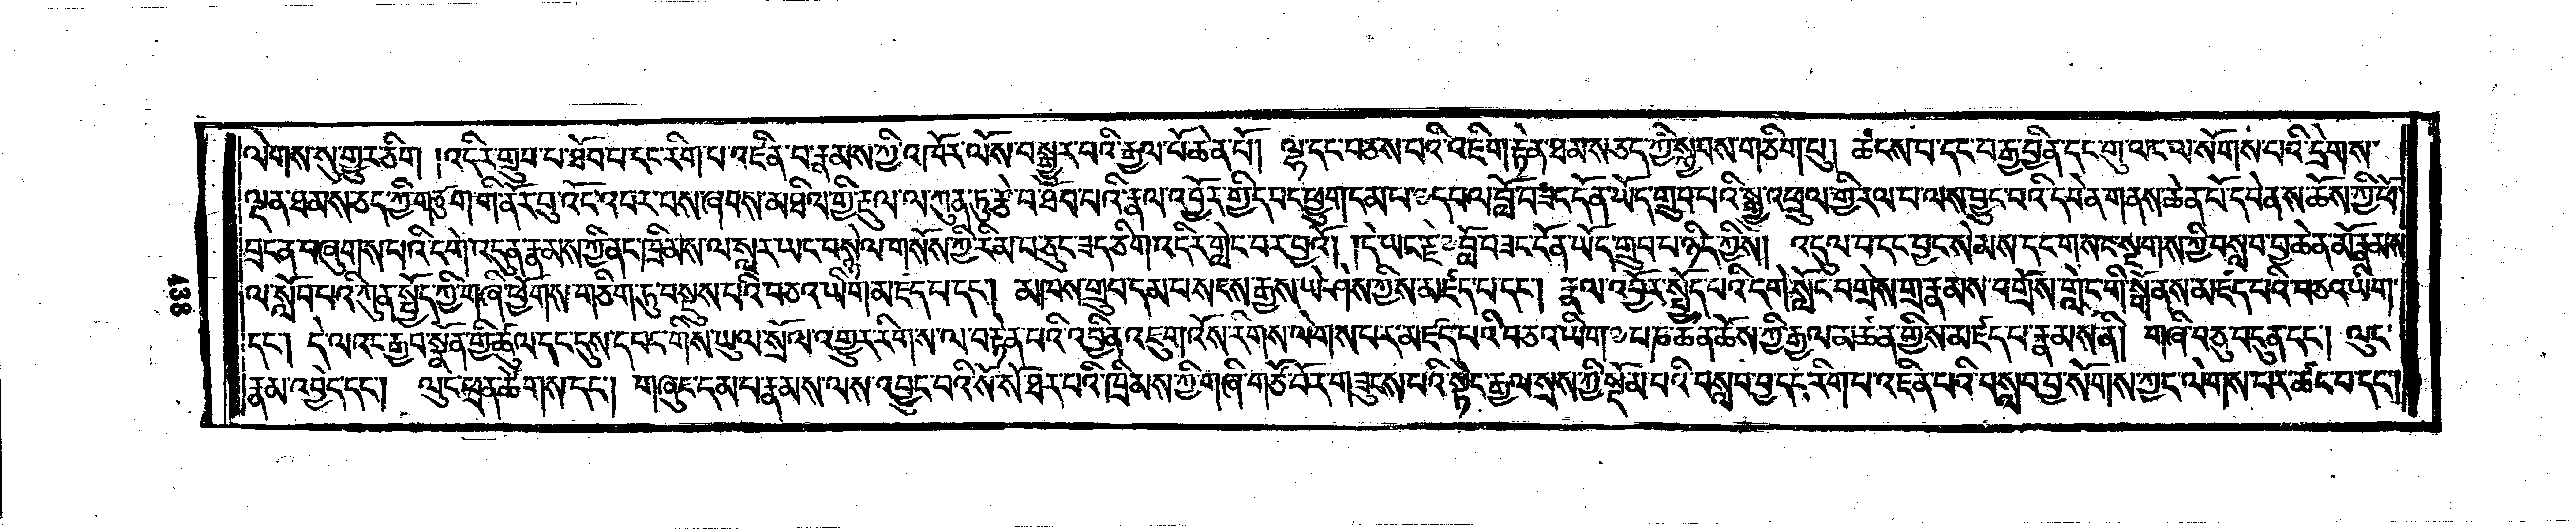ལེགས་སུ་གྱུར་ཅིག །འདིར་གྲུབ་པ་ཐོབ་པ་དང་རིག་པ་འཛིན་བ་རྣམས་ཀྱི་འཁོར་ལོས་བསྒྱུར་བའི་རྒྱལ་པོ་ཆེན་པོ། ལྷ་དང་བཅས་པའི་འཇིག་རྟེན་ཐམས་ཅད་ཀྱི་སྐྱབས་གཅིག་པུ། ཚངས་པ་དང་བརྒྱ་བྱིན་དང་གུ་ལང་ལ་སོགས་པའི་དྲེགས་
ལྡན་ཐམས་ཅད་ཀྱི་གཙུག་གི་ནོར་བུ་འོང་འབར་བས་ཞབས་མཐིལ་གྱི་རྡུལ་ལ་ཀུན་ཏུ་རྩེ་བ་ཐོབ་པའི་རྣལ་འབྱོར་གྱི་དབང་ཕྱུག་དམ་པ་༧་དབལ་བློ་བཟང་དོན་ཡོད་གྲུབ་པའི་སྒྱུ་འཕྲུལ་གྱི་རལ་པ་ལས་བྱུང་བའི་དབེན་གནས་ཆེན་པོ་དབེན་ས་ཆོས་ཀྱི་ཕོ་
བྲང་ན་བཞུགས་པའི་དགེ་འདུན་རྣམས་ཀྱི་ནང་ཁྲིམས་ལ་སླར་ཡང་བསྙེལ་གསོས་ཀྱི་རིམ་པ་ཅུང་ཟད་ཅིག་འདིར་གླེང་བར་བྱའོ། །དེ་ཡང་རྗེ་༧་བློ་བཟང་དོན་ཡོད་གྲུབ་པ་ཉིད་ཀྱིས། འདུལ་བ་དང་བྱང་སེམས་དང་གསང་སྔགས་ཀྱི་བསླབ་བྱ་ཆེན་མོ་རྣམས་
ལ་སློབ་པའི་ཀུན་སྦྱོད་ཀྱི་གཞི་ཕྱོགས་གཅིག་ཏུ་བསྡུས་པའི་བཅའ་ཡིག་མཛད་པ་དང་། མཁས་གྲུབ་དམ་པ་སངས་རྒྱས་ཡེ་ཤེས་ཀྱིས་མཛད་པ་དང་། རྣལ་འབྱོར་སྤྱོད་པའི་དགེ་སློང་བགྲེས་གྲ་རྣམས་བགྲོས་གླེང་གི་སྒོ་ནས་མཛད་པའི་བཅའ་ཡིག་
དང་། དེ་ལའང་རྒྱབ་སྣོན་གྱི་ཚུལ་དང་དུས་དབང་གིས་ཡུལ་སྲོལ་འགྱུར་རིག་ས་ལ་བརྟེན་པའི་འབྱིན་འཇུག་འོས་རིགས་ལེགས་པར་མཛད་པའི་བཅའ་ཡིག་༧་པཎ་ཆེན་ཆོས་ཀྱི་རྒྱལ་མཚན་གྱིས་མཛད་པ་རྣམས་ནི། གཞི་བཅུ་བདུན་དང་། ལུང་
རྣམ་འབྱེད་དང་། ལུང་ཕྲན་ཚེགས་དང་། གཞུང་དམ་པ་རྣམས་ལས་འབྱུང་བའི་སོ་སོ་ཐར་པའི་ཁྲིམས་ཀྱི་གཞི་གཙོ་བོར་གཟུངས་པའི་སྟེང་རྒྱལ་སྲས་ཀྱི་སྔོམ་པའི་བསླབ་བྱ་དང་རིག་པ་འཛིན་པའི་བསླབ་བྱ་སོགས་ཀྱང་ལེགས་པར་ཚང་བ་དང་།